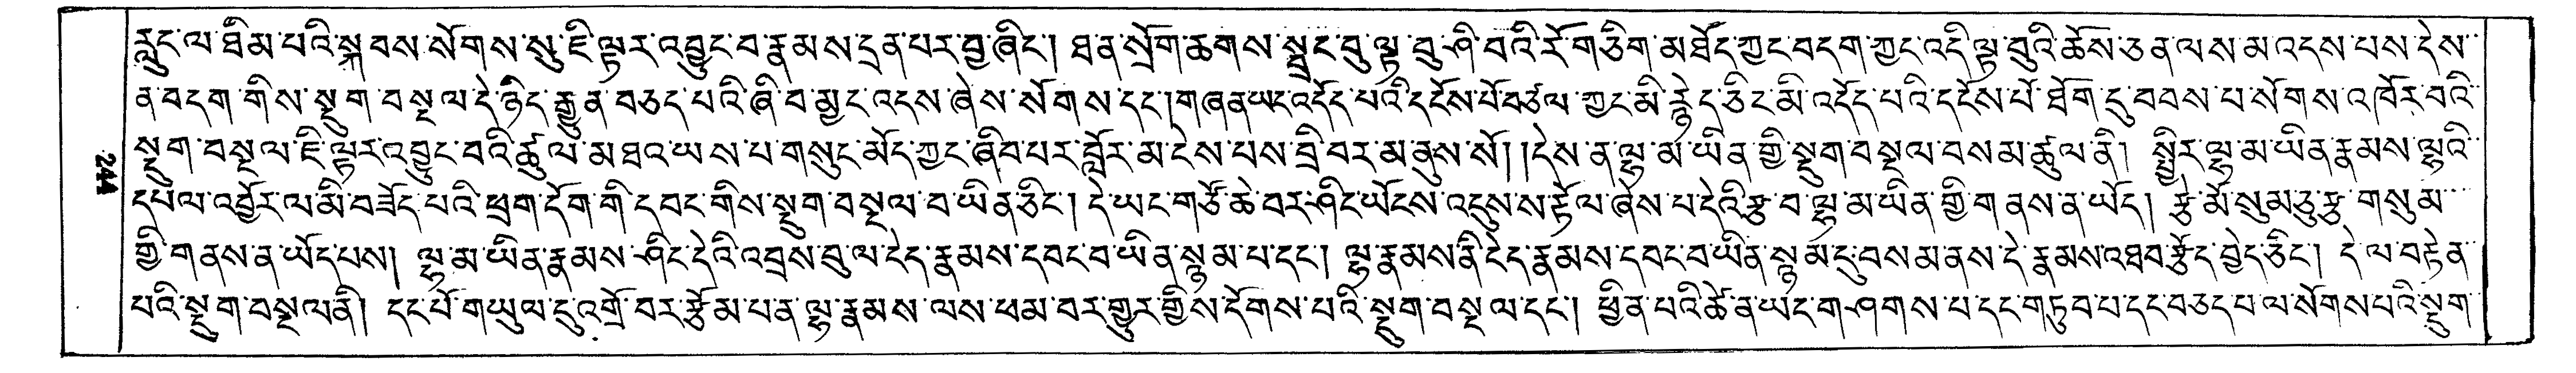རླུང་ལ་ཐིམ་པའི་སྐབས་སོགས་སུ་ཇི་ལྟར་འབྱུང་པ་རྣམས་དྲན་པར་བྱ་ཞིང་། ཐ་ན་སྲོག་ཆགས་སྦྲང་བུ་ལྟ་བུ་ཤི་བའི་རོ་གཅིག་མཐོང་ཀྱང་བདག་ཀྱང་འདི་ལྟ་བུའི་ཆོས་ཅན་ལས་མ་འདས་པས་དེས་
ན་བདག་གིས་སྡུག་བསྔལ་དེ་ཉིད་རྒྱུན་བཅད་པའི་ཞི་བ་མྱང་འདས་ཞེས་སོགས་དང་། གཞན་ཡང་འདོད་པའི་དངོས་བོ་བཙལ་ཀྱང་མི་རྙེད་ཅིང་མི་འདོད་པའི་དངོས་པོ་ཐོག་དུ་བབས་པ་སོགས་འཁོར་བའི་
སྡུག་བསྔལ་ཇི་ལྟར་འབྱུང་བའི་ཚུལ་མཐའ་ཡས་པ་གསུང་མོད་ཀྱང་ཞིབ་པར་བློར་མ་ངེས་པས་བྲི་བར་མ་ནུས་སོ། །དེས་ན་ལྷ་མ་ཡིན་གྱི་སྡུག་བསྔལ་བསམ་ཚུལ་ནི། སྤྱིར་ལྷ་མ་ཡིན་རྣམས་ལྷའི་
དཔལ་འབྱོར་ལ་མི་བཟོད་པའི་ཕྲག་དོག་གི་དབང་གིས་སྡུག་བསྔལ་བ་ཡིན་ཅིང་། དེ་ཡང་གཙོ་ཆེ་བར་ཤིང་ཡོངས་འདུས་ས་རྟོལ་ཞེས་པ་དེའི་རྩ་བ་ལྷ་མ་ཡིན་གྱི་གནས་ན་ཡོད། རྩེ་མོ་སུམ་ཅུ་རྩ་གསུམ་
གྱི་གནས་ན་ཡོད་པས། ལྷ་མ་ཡིན་རྣམས་ཤིང་དེའི་འབྲས་བུ་ལ་ངེད་རྣམས་དབང་བ་ཡིན་སྙམ་པ་དང་། ལྷ་རྣམས་ནི་ངེད་རྣམས་དབང་བ་ཡིན་སྙམ་དུ་བསམ་ནས་དེ་རྣམས་འཐབ་རྩོད་བྱེད་ཅིང་། དེ་ལ་བརྟེན་
པའི་སྡུག་བསྔལ་ནི། དང་པོ་གཡུལ་དུ་འགྲོ་བར་རྩོམ་པ་ན་ལྷ་རྣམས་ལས་ཕམ་པར་གྱུར་ཀྱིས་དོགས་པའི་སྡུག་བསྔལ་དང་། ཕྱིན་པའི་ཚེ་ན་ཡང་གཤགས་པ་དང་གཏུབ་པ་དང་བཅད་པ་ལ་སོགས་པའི་སྡུག་